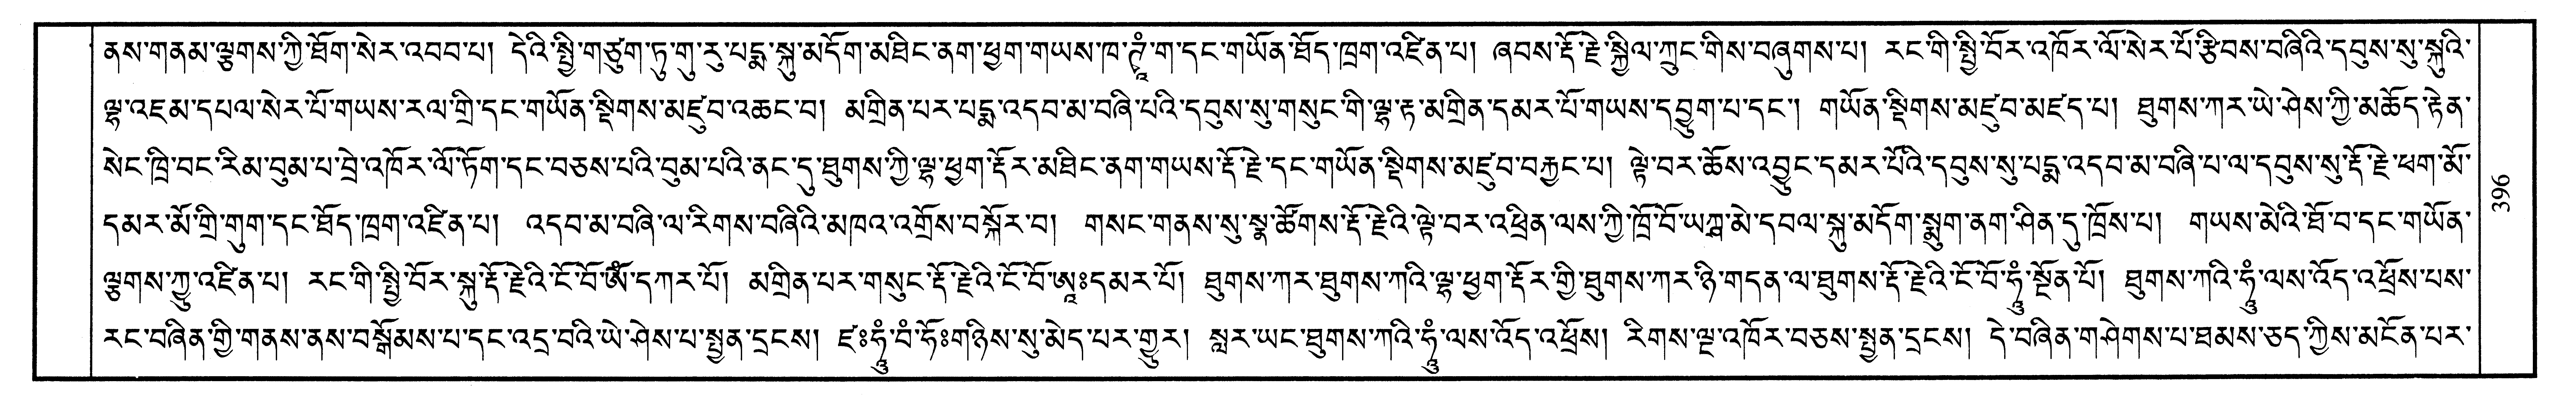ནས་གནམ་ལྕགས་ཀྱི་ཐོག་སེར་འབབ་པ། དེའི་སྤྱི་གཙུག་ཏུ་གུ་རུ་པདམ་སྐུ་མདོག་མཐིང་ནག་ཕྱག་གཡས་ཁ་ཊྭཱཾ་ག་དང་གཡོན་ཐོད་ཁྲག་འཛིན་པ། ཞབས་རྡོ་རྗེ་སྐྱིལ་ཀྲུང་གིས་བཞུགས་པ། རང་གི་སྤྱི་བོར་འཁོར་ལོ་སེར་པོ་རྩིབས་བཞིའི་དབུས་སུ་སྐུའི་
ལྷ་འཇམ་དཔལ་སེར་པོ་གཡས་རལ་གྲི་དང་གཡོན་སྡིགས་མཛུབ་འཆང་བ། མགྲིན་པར་པདམ་འདབ་མ་བཞི་པའི་དབུས་སུ་གསུང་གི་ལྷ་རྟ་མགྲིན་དམར་པོ་གཡས་དབྱུག་པ་དང་། གཡོན་སྡིགས་མཛུབ་མཛད་པ། ཐུགས་ཀར་ཡེ་ཤེས་ཀྱི་མཆོད་རྟེན་
སེང་ཁྲི་བང་རིམ་བུམ་པ་བྲེ་འཁོར་ལོ་ཏོག་དང་བཅས་པའི་བུམ་པའི་ནང་དུ་ཐུགས་ཀྱི་ལྷ་ཕྱག་རྡོར་མཐིང་ནག་གཡས་རྡོ་རྗེ་དང་གཡོན་སྡིགས་མཛུབ་བརྐྱང་པ། ལྟེ་བར་ཆོས་འབྱུང་དམར་པོའི་དབུས་སུ་པདམ་འདབ་མ་བཞི་པ་ལ་དབུས་སུ་རྡོ་རྗེ་ཕག་མོ་
དམར་མོ་གྲི་གུག་དང་ཐོད་ཁྲག་འཛིན་པ། འདབ་མ་བཞི་ལ་རིགས་བཞིའི་མཁའ་འགྲོས་བསྐོར་བ། གསང་གནས་སུ་སྣ་ཚོགས་རྡོ་རྗེའི་ལྟེ་བར་འཕྲིན་ལས་ཀྱི་ཁྲོ་བོ་ཡཀྵ་མེ་དབལ་སྐུ་མདོག་སྨུག་ནག་ཤིན་ཏུ་ཁྲོས་པ། གཡས་མེའི་ཐོ་བ་དང་གཡོན་
ལྕགས་ཀྱུ་འཛིན་པ། རང་གི་སྤྱི་བོར་སྐུ་རྡོ་རྗེའི་ངོ་བོ་ཨོཾ་དཀར་པོ། མགྲིན་པར་གསུང་རྡོ་རྗེའི་ངོ་བོ་ཨཱཿ དམར་པོ། ཐུགས་ཀར་ཐུགས་ཀའི་ལྷ་ཕྱག་རྡོར་གྱི་ཐུགས་ཀར་ཉི་གདན་ལ་ཐུགས་རྡོ་རྗེའི་ངོ་བོ་ཧཱུཾ་སྔོན་པོ། ཐུགས་ཀའི་ཧཱུཾ་ལས་འོད་འཕྲོས་པས་
རང་བཞིན་གྱི་གནས་ནས་བསྒོམས་པ་དང་འདྲ་བའི་ཡེ་ཤེས་པ་སྤྱན་དྲངས། ཛཿ ཧཱུཾ་པཾ་ཧོཿ གཉིས་སུ་མེད་པར་གྱུར། སླར་ཡང་ཐུགས་ཀའི་ཧཱུཾ་ལས་འོད་འཕྲོས། རིགས་ལྔ་འཁོར་བཅས་སྤྱན་དྲངས། དེ་བཞིན་གཤེགས་པ་ཐམས་ཅད་ཀྱིས་མངོན་པར་